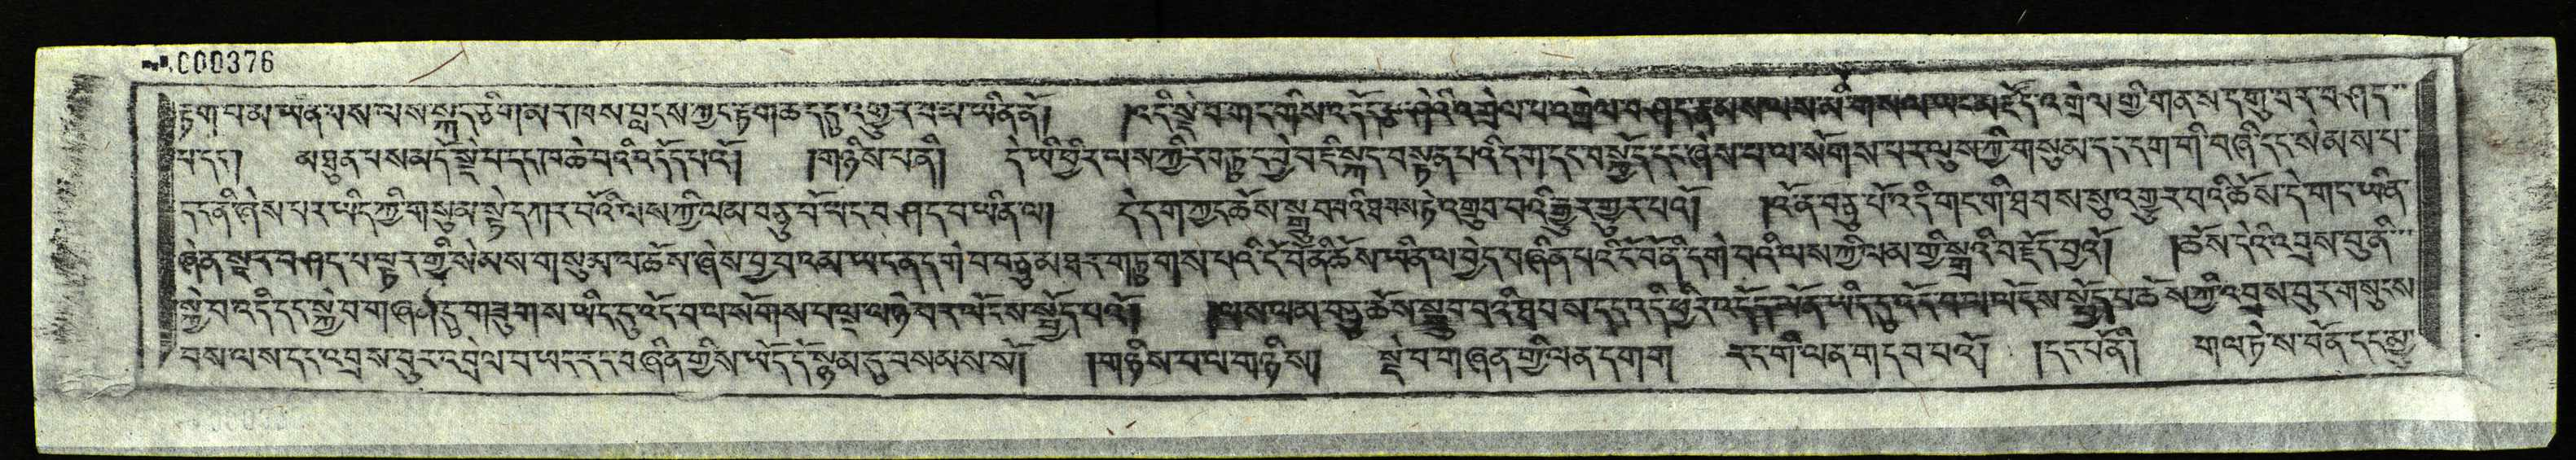རྟག་པ་མ་ཡིན་པས་ལས་སྐད་ཅིག་མར་ཁས་བླངས་ཀྱང་རྟག་ཆད་དུ་འགྱུར་བ་མ་ཡིན་ནོ། །འདི་སྡེ་བ་གང་གིས་འདོད་རྩ་ཤེའི་འགྲེལ་པ་འགྲེལ་བཤད་རྣམས་ལས་མི་གསལ་ཡང་མཛོད་འགྲེལ་གྱི་གནས་དགུ་བར་བཤད་
པ་དང་། མཐུན་པས་མདོ་སྡེ་པ་དང་ཁ་ཆེ་བའི་འདོད་པའོ། །གཉིས་པ་ནི། དེ་ཡི་ཕྱིར་ལས་ཀྱི་རབ་ཏུ་དབྱེ་བ་ཇི་སྐད་བསྟན་པའི་དག་དང་བསྐྱོད་དང་ཞེས་པ་ལ་སོགས་པར་ལུས་ཀྱི་གསུམ་དང་ངག་གི་བཞི་དང་སེམས་པ་
དང་ནི་ཞེས་པར་ཡིད་ཀྱི་གསུམ་སྟེ་དཀར་པོའི་ལས་ཀྱི་ལམ་བཅུ་པོ་ཡང་བཤད་པ་ཡིན་ལ། དེ་དག་ཀྱང་ཆོས་སྒྲུབ་པའི་ཐབས་ཏེ་འགྲུབ་པའི་རྒྱུར་གྱུར་པའོ། །འོ་ན་བཅུ་པོ་འདི་གང་གི་ཐབས་སུ་འགྱུར་བའི་ཆོས་དེ་གང་ཡིན་
ཞེ་ན་སྔར་བཤད་པ་ལྟར་གྱི་སེམས་གསུམ་ལ་ཆོས་ཞེས་བྱ་བ་འམ་ཡང་ན་དགེ་བ་བཅུ་མཐར་གཏུགས་པའི་ངོ་བོ་ནི་ཆོས་ཡིན་ལ་བྱེད་བཞིན་པའི་ངོ་བོ་ནི་དགེ་བའི་ལས་ཀྱི་ལམ་གྱི་སྒྲའི་བརྗོད་བྱའོ། །ཆོས་དེའི་འབྲས་བུ་ནི་
སྐྱེ་བ་འདི་དང་སྐྱེ་བ་གཞན་དུ་གཟུགས་ཡིད་དུ་འོང་བ་ལ་སོགས་པ་ལྔ་ལ་ཉེ་བར་ལོངས་སྤྱོད་པའོ། །ལས་ལམ་བཅུ་ཆོས་སྒྲུབ་པའི་ཐབས་དང་འདི་ཕྱིར་འདོད་ཡོན་ཡིད་དུ་འོང་བ་ལ་ལོངས་སྤྱོད་པ་ཆོས་ཀྱི་འབྲས་བུར་གསུངས་
བས་ལས་དང་འབྲས་བུར་འབྲེལ་བ་ཡང་རང་བཞིན་གྱིས་ཡོད་དོ་སྙམ་དུ་བསམས་སོ། །གཉིས་པ་ལ་གཉིས། སྡེ་བ་གཞན་གྱི་ལན་དགག་རང་གི་ལན་གདབ་པའོ། །དང་པོ་ནི། གལ་ཏེ་ས་བོན་དང་མྱུ་